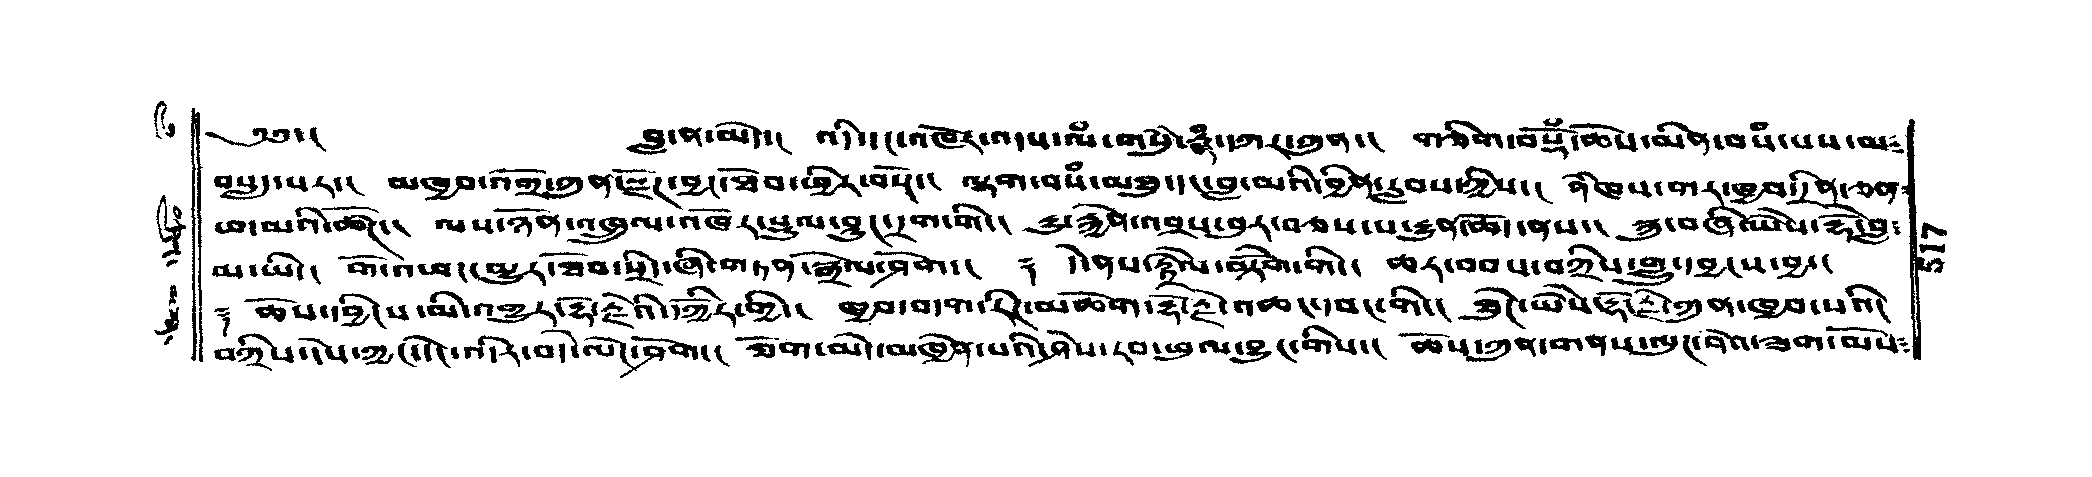བླ་ན་མེད། ། འདི་དང་འཁོར་འདས་ལམ་གསུམ་རྣམ་དཀར་ཀུན། །གཅིག་བསྡོམ་ཆོས་མིན་བསམ་པས་མ་
བསླད་པར། ། མཁའ་ཁྱབ་འགྲོ་ཀུན་རྫོགས་བྱང་ཐོབ་ཕྱིར་བསྔོ་། །ལྷག་བསམ་མཐུ་དང་བླ་མའི་བྱིན་རླབས་ཀྱིས། །ནམ་མཁས་གར་ཁྱབ་དྲིན་ཅན་
ཕ་མའི་ཚོགས། །ལས་ཉོན་འཁྲུལ་འཁོར་སྡུག་བསྔལ་ཤུགས་དྲག་གི་།རྒྱུ་རྐྱེན་འབྲས་བུར་བཅས་པ་རྒྱུན་ཆོད་ནས། །སྐུ་བཞི་ཡེ་ཤེས་རྡོ་རྗེ་བླ་
མ་ཡི། །གོ་འཕང་མྱུར་ཐོབ་སྲིད་ཞི་གཏན་སྒྲོལ་ཤོག་། ༈ དེ་ནས་རྟེན་འབྲེལ་མེ་ཏོག་གི་།ཆར་བབས་བཀྲ་ཤིས་གླུ་དབྱངས་བྱ། ། 
༈ ཆོས་དབྱིངས་མི་འགྱུར་རྡོ་རྗེ་དཀྱིལ་འཁོར་གྱི། །ཁྱབ་བདག་རིགས་མཆོག་རྡོ་རྗེ་འཆང་དབང་གི་།ཐུགས་རྗེ་ཡེ་ཤེས་རྡོ་རྗེ་ཀུན་ཁྱབ་པའི། །
བཀྲ་ཤིས་དེས་ཀྱང་དེང་འདིར་བདེ་ལེགས་ཤོག་།ཐོག་མེད་མཁྱེན་པའི་ཤེས་རབ་ཕུལ་བྱུང་གིས། །ཆོས་ཀུན་གནས་ལུགས་ཤེས་རབ་ཟག་མོས་